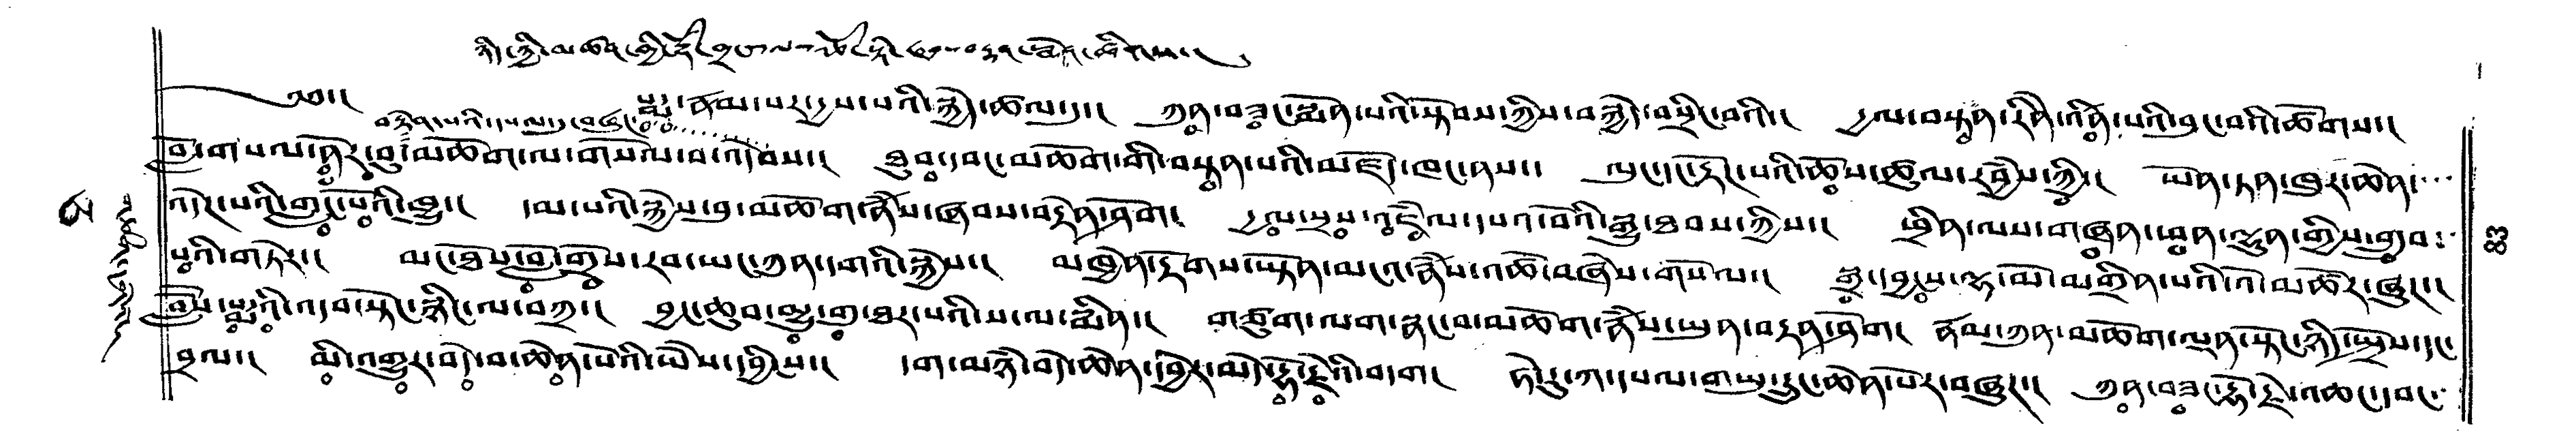༄༅། ༼ཉིད་ཀྱི་མཚན་གྱི་རྣམ་གྲངས་ལས་བརྩམས་ཏེ་ཞབས་བརྟན་སྨོན་ཚིག༽ པདྨ་རྣམ་པར་རྒྱས་པའི་སྐྱེད་ཚལ་དུ། །ཀུན་བཟང་སྨོན་པའི་སྟོབས་ཀྱིས་སྐྱེད་བསྲིངས་བའི། །རྒྱལ་བསྟན་རིན་ཆེན་འཛིན་པའི་བུང་བའི་ཚོགས། །
བློ་གསས་ནོར་བུ་མཆོག་ལ་གསོལ་བ་འདེབས། །ཐུབ་དབང་མཆོག་གི་བསྟན་པའི་མཛོད་ཁང་ནས། །ལུང་དང་རྟོགས་པའི་ཆོས་ཚུལ་རབ་འབྱམས་ཀྱི། །ཡོན་ཏན་འཁུར་ཆེན་
འདེགས་པའི་གླང་པོའི་ཁྱུ། །དམ་པའི་སྐྱེས་བུ་མཆོག་རྣམས་ཞབས་བརྟན་ཤོག རྒྱལ་སྲས་འཇམ་དཔལ་དཔའ་བོའི་སྒྱུ་ཐབས་ཀྱིས། །ཕྲིན་ལས་གཞན་ཕན་ལྷུན་གྱིས་གྲུབ་
པའི་གཏེར། །མང་ཐོས་བློ་གྲོས་རབ་ཡངས་ཀུན་དགའི་སྐྱེས། །མཁྱེན་རྟོགས་ཡོན་ཏན་མངའ་རྣམས་འཚོ་བཞེས་གསོལ། །སྒྲ་དབྱངས་ལྷ་མོ་མགྲིན་པའི་འོ་མཚོར་ཞུགས། །
བློ་གྲོས་པདྨའི་འདབ་སྟོང་སྙིང་ལ་བཀྲ། །བྱང་ཆུབ་མྱུ་གུ་ཐར་པའི་ས་ལ་སྨིན། །གཙུག་ལག་སྣང་བ་མཆོག་རྣམས་ཡུན་བརྟན་ཤོག །རྣམ་ཀུན་མཆོག་ལྡན་སྟོང་ཉིད་སྤྲོས་དང་
བྲལ། །མི་འགྱུར་བདེ་བ་ཆེན་པོའི་ཡེ་ཤེས་དབྱིངས། །དག་མཉམ་བདེ་ཆེན་དབྱེར་མེད་རྡོ་རྗེའི་བདག །ཧེ་རུ་ཀ་དཔལ་གཡུང་དྲུང་ཆེན་པོར་བཞུགས། །ཀུན་བཟང་རྡོ་རྗེ་འཆང་དབང་